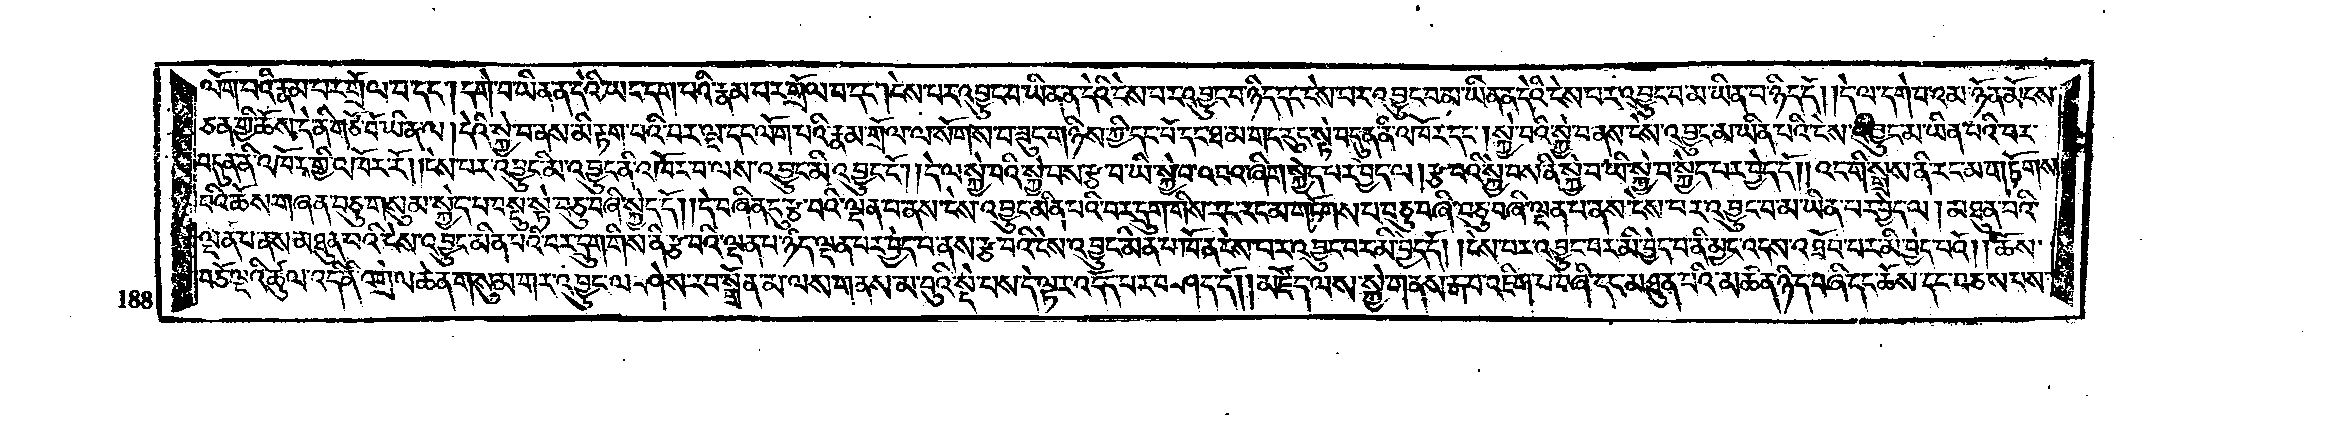ལོག་པའི་རྣམ་པར་གྲོལ་བ་དང་། དགེ་པ་ཡིན་ན་དེའི་ཡང་དག་པའི་རྣམ་པར་གྲོལ་བ་དང་། ངེས་པར་འབྱུང་པ་ཡིན་ན་དེའི་ངས་པར་འབྱུང་བ་ཉིད་དང་ངེས་པར་འབྱུང་བ་མ་ཡིན་ན་དེའི་ངེས་པར་འབྱུང་བ་མ་ཡིན་པ་ཉིད་དོ། །དེ་ལ་དགེ་བ་འམ་ཉོན་མོངས་
ཅན་གྱི་ཆོས་དེ་ནི་གཙོ་བོ་ཡིན་ལ། དེའི་སྐྱེ་བ་ནས་མི་རྟག་པའི་པར་ལྔ་དང་ལོག་པའི་རྣམ་གྲོལ་ལ་སོགས་པ་ཟུང་གཉིས་ཀྱི་དང་པོ་དང་ཐ་མ་གང་རུང་སྟེ་བདུན་ནི་འཁོར་དང་། སྐྱེ་བའི་སྐྱེ་བ་ནས་ངེས་འབྱུང་མ་ཡིན་པའི་ངེས་འབྱུང་མ་ཡིན་པའི་བར་
བདུན་ནི་འཁོར་གྱི་འཁོར་རོ། །ངེས་པར་འབྱུང་མེ་འབྱུང་ནི་འཁོར་པ་ལས་འབྱུང་མི་འབྱུང་ངོ། །དེ་ལ་སྐྱེ་བའི་སྐྱེ་བས་རྩ་བ་ཡི་སྐྱེ་བ་འབའ་ཞིག་སྐྱེད་པར་བྱད་ལ། རྩ་བའི་སྐྱེ་བས་ནི་སྐྱེ་བ་ཡི་སྐྱེ་བ་སྐྱེད་པར་བྱེད་དོ། །འང་གི་སྒྲས་ནི་རང་མ་གཏོགས་
པའི་ཆོས་གཞན་བཅུ་གསུམ་སྐྱེད་པ་བསྡུ་སྟེ་བཅུ་བཞི་སྐྱེད་དོ། །དེ་བཞིན་དུ་རྩ་བའི་ལྡན་པ་ནས་ངེས་འབྱུང་མིན་པའི་བར་དྲུག་གིས་རང་རང་མ་གཏོགས་པ་བཅུ་བཞི་བཅུ་བཞི་ལྡན་པ་ནས་ངེས་པར་འབྱུང་བ་མ་ཡིན་པར་བྱེད་ལ། མཐུན་པའི་
ལྡན་པ་ནས་མཐུན་པའི་ངེས་འབྱུང་མིན་པའི་བར་དྲུག་གིས་ནི་རྩ་བའི་ལྡན་པ་ཉིད་ལྡན་པར་བྱེད་པ་ནས་རྩ་བའི་ངེས་འབྱུང་མིན་པ་ཁོ་ན་ངེས་པར་འབྱུང་བར་མི་བྱེད་དོ། །ངེས་པར་འབྱུང་བར་མི་བྱེད་པ་ནི་མྱང་འདས་འཐོབ་པར་མི་བྱེད་པའོ། །ཆོས་
བཅོ་ལྔའི་ཆུལ་འདི་ནི་འགྲེལ་ཆེན་གསུམ་གར་འབྱུང་ལ་ཤེས་རབ་སྒྲོན་མ་ལས་གནས་མ་བུའི་སྡེ་པས་དེ་ལྟར་འདོད་པར་བཤད་དོ། །མཛེད་ལས་སྐྱེ་གནས་རྒ་བ་འཇིག་པ་བཞི་དང་མཐུན་པའི་མཚན་ཉིད་བཞི་དང་ཆོས་དང་བཅས་པས་